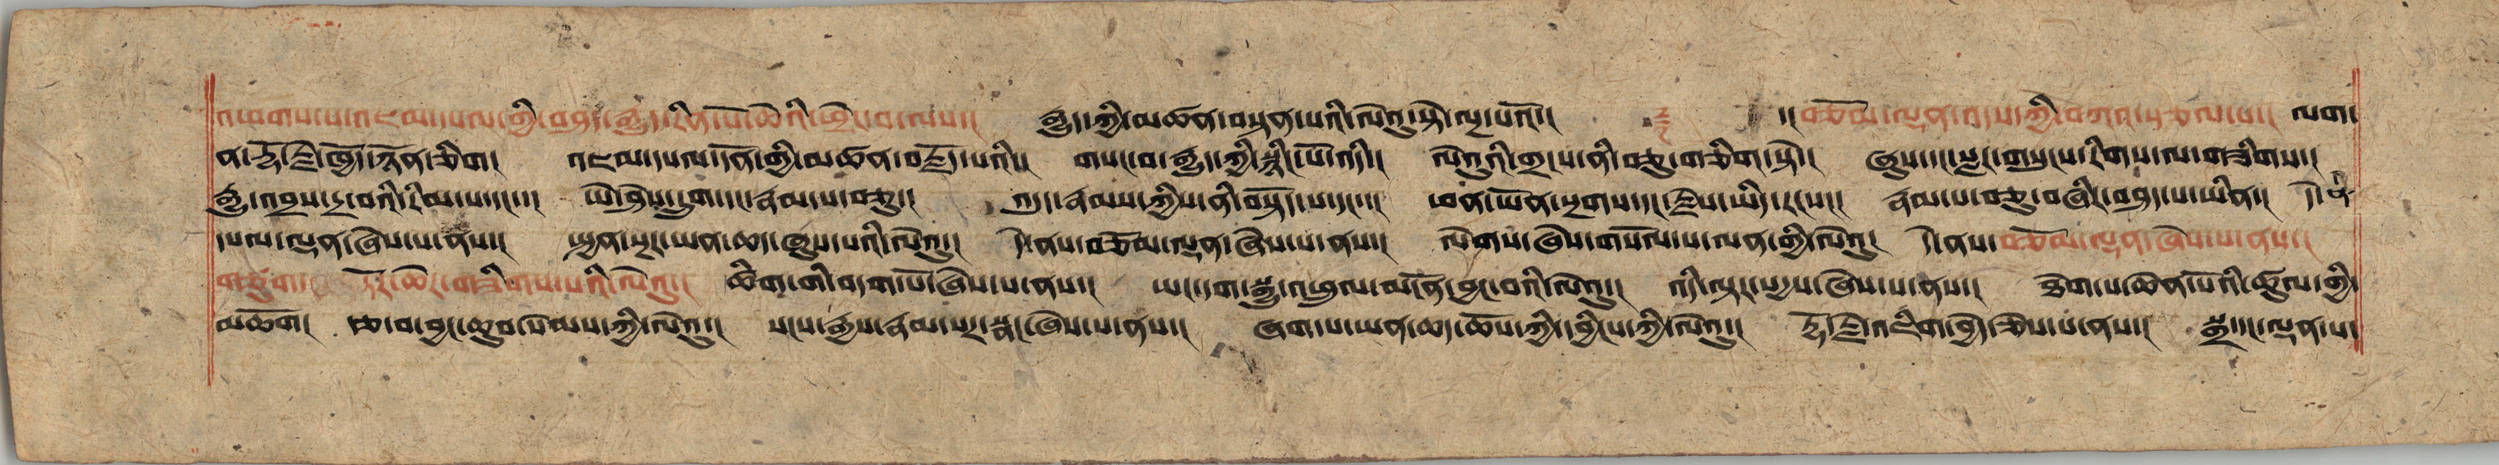འཕགས་པ་འཇམ་དཔལ་གྱི་བཤད་རྒྱུད་རིན་པོ་ཆེའི་ཕྲེང་བ་ལས་། རྒྱུད་ཀྱི་མཚན་བསྟན་པའི་ལེའུ་སྟེ་ལྔ་པའོ་། ༈ ་།བཅོམ་ལྡན་འདས་ཀྱི་བཀའ་སྩལ་པ་། ལག་
ན་རྡོ་རྗེ་ཁྱོད་ཉོན་ཅིག། འཇམ་དཔལ་དོན་གྱི་མཚན་བརྗོད་པའི་། གསང་བ་རྒྱུད་ཀྱི་སྙིང་པོ་འདི་། ལེའུའི་གྲངས་ནི་བཅུ་གཅིག་སྟེ་། ཞུས་དང་སླར་གསུངས་རིགས་ལ་གཟིགས་།
རྒྱུ་འབྲས་དྲ་བའི་རིམ་པ་དང་་། ཡེ་ཤེས་དྲུག་དང་རྣམ་པ་བཅུ་། འདུད་རྣམས་ཀྱིས་ནི་བསྟོད་པ་དང་་། ཕན་ཡོན་སྔགས་དང་རྗེས་ཡིད་རངས།།། རྣམ་པ་བཅུ་བཞིར་བཤད་པ་ཡིན་། དེ་ནི
དཔལ་ལྡན་ཞེས་པ་རྣཾས་། སྤྱན་སྔར་ཡན་ཆད་ཞུས་པའི་ལེའུ་། དེ་ནས་བཅོམ་ལྡན་ཞེས་པ་ནས་། ལེགས་ཞེས་གསོལ་པ་ལན་གྱི་ལེའུ། དེ་ནས་བཅོམ་ལྡན་ཞེས་པ་ནས་།
གཙུག་ཏོར་ཆེར་གཟིགས་པའི་ལེའུ་། ཚིག་གི་བདག་པོ་ཞེས་པ་ནས་། ཡང་དག་སྒྱུ་འཕྲུལ་མངོན་བྱང་བའི་ལེའུ་། འདི་ལྟར་སདྱས་ཞེས་པ་ནས་། ཐེག་པ་ཆེན་པོའི་ཚུལ་གྱི་
མཆོག། རྩ་བ་བྱང་ཆུབ་སེམས་ཀྱི་ལེའུ་། སངས་རྒྱས་རྣམ་པར་སྣང་ཞེས་པ་ནས་། ཞག་པ་ཡན་ཆད་ཆོས་ཀྱི་དབྱིངས་ཀྱི་ལེའུ་། རྡོ་རྗེ་འཇིག་བྱེད་ཅེས་པ་ནས་། སྒྲ་དང་ལྡན་པ་